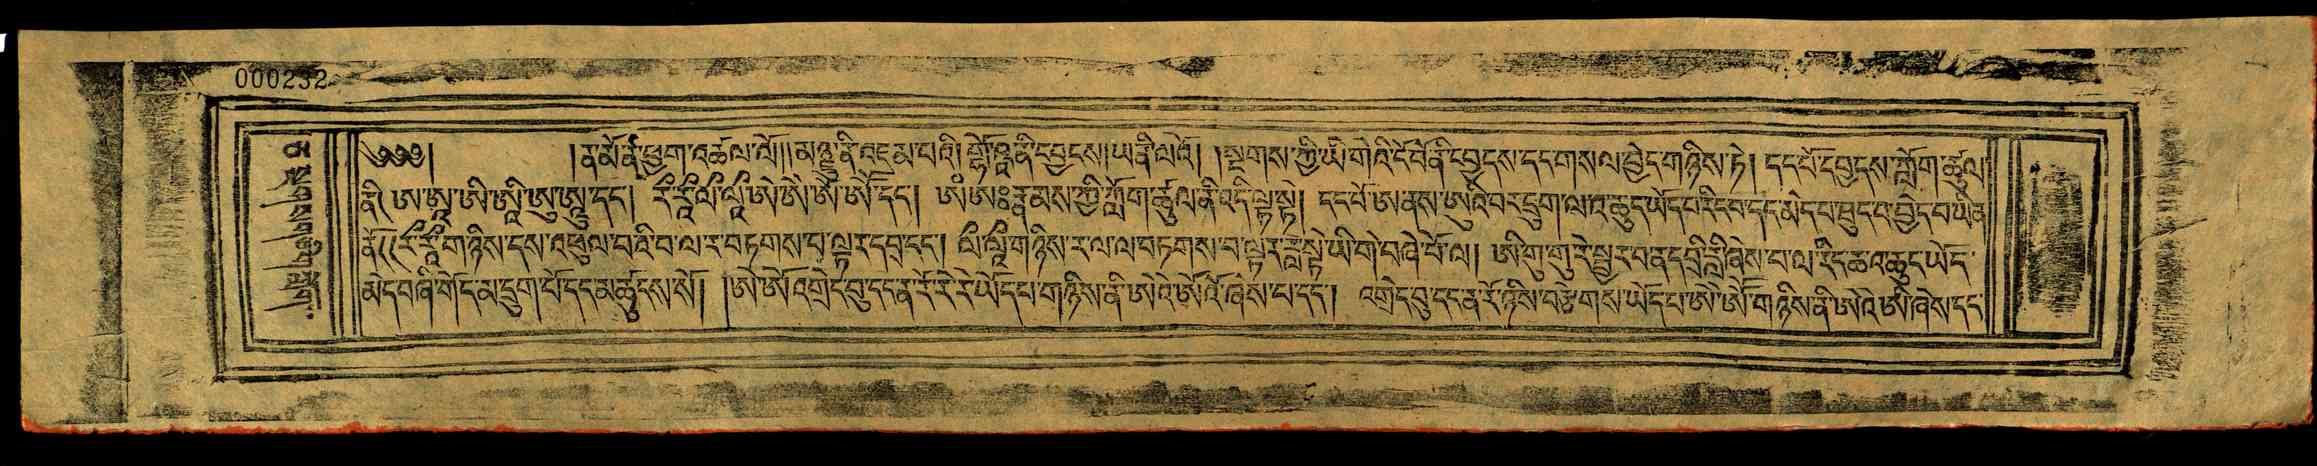༄༅༅། །ན་མོ་ནི་ཕྱག་འཚལ་ལོ། །མཉྫུ་ནི་འཇམ་པའི། གྷོ་ཥཱ་ནི་དབྱངས། ཡན་ལའོ། །སྔགས་ཀྱི་ཡི་གེའི་ངོ་བོ་ནི་དབྱངས་དང་གསལ་བྱེད་གཉིས་ཏེ། དང་པོ་དབྱངས་ཀློག་ཚུལ་
ཨོ་ཨཱ་ཨི་ཨཱི་ཨུ་ཨཱུ་དང་། རྀ་རཱྀ་ལྀ་ལཱྀ་ཨེ་EE་ཨོ་ཨ྾྾་དང་། ཨཾ་ཨཿ རྣམས་ཀྱི་ཀློག་ཚུལ་ནི་འདི་ལྟ་སྟེ། དང་བོ་ཨ་ནས་ཨུའི་བར་དྲུག་ལའི་ཆུང་ཡོད་པ་རིང་བ་དང་མེད་པ་ཐུང་བ་བྱེད་པ་ཡིན་
ནོ༑ ༑རྀ་རཱྀ་གཉིས་དས་འཕུལ་བའི་བ་ལར་བཏགས་པ་ལར་དབྲ་དང་། ལྀ་ལཱྀ་གཉིས་རཾ་ལ་ལ་བཏགས་པ་ལྟར་རླ་སྟེ་ཡི་གེ་བཞི་པ་ལ། ཨི་གུ་གུར་སྦྱར་བ་ནད་པྲི་རླི་ཞེས་པ་ལ་རིང་ཆ་འཆུང་ཡོད་
མེད་བཞི་གོང་མ་དྲུག་པོ་དང་མཚུངས་སོ། །ཨེ་ཨེ་འགྲང་བུ་དང་ན་དེ་རེ་རེ་ཡོད་པ་གཉིས་ནི་ཨཱི་ཨོའོ་ཞེས་པ་དང་། འགྲེང་བུ་དང་ན་རོ་ཉིས་བརྩེགས་ཡོད་པ་ཨཻ་ཨོ་གཉིས་ནི་ཨེའེ་